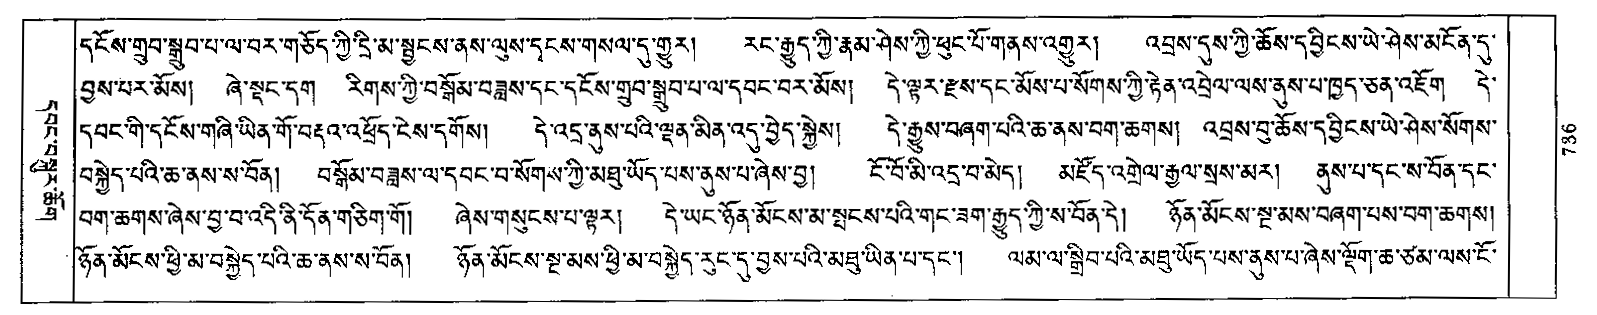དངོས་གྲུབ་སྒྲུབ་པ་ལ་བར་གཅོད་ཀྱི་དྲི་མ་སྦྱངས་ནས་ལུས་དྭངས་གསལ་དུ་གྱུར། རང་རྒྱུད་ཀྱི་རྣམ་ཤེས་ཀྱི་ཕུང་པོ་གནས་འགྱུར། འབྲས་དུས་ཀྱི་ཆོས་དབྱིངས་ཡེ་ཤེས་མངོན་དུ་
བྱས་པར་མོས། ཞེ་སྡང་དག་རིགས་ཀྱི་བསྒོམ་བཟླས་དང་དངོས་གྲུབ་སྒྲུབ་པ་ལ་དབང་བར་མོས། དེ་ལྟར་རྫས་དང་མོས་པ་སོགས་ཀྱི་རྟེན་འབྲེལ་ལས་ནུས་པ་ཁྱད་ཅན་འཇོག་དེ་
དབང་གི་དངོས་གཞི་ཡིན་གོ་བརྡའ་འཕྲོད་ངེས་དགོས། དེ་འདྲ་ནུས་པའི་ལྡན་མིན་འདུ་བྱེད་སྐྱེས། དེ་རྒྱུས་བཞག་པའི་ཆ་ནས་བག་ཆགས། འབྲས་བུ་ཆོས་དབྱིངས་ཡེ་ཤེས་སོགས་
བསྐྱེད་པའི་ཆ་ནས་ས་བོན། བསྒོམ་བཟླས་ལ་དབང་བ་སོགས་ཀྱི་མཐུ་ཡོད་པས་ནུས་པ་ཞེས་བྱ། ངོ་བོ་མི་འདྲ་བ་མེད། མཛོད་འགྲེལ་རྒྱལ་སྲས་མར། ནུས་པ་དང་ས་བོན་དང་
བག་ཆགས་ཞེས་བྱ་བ་འདི་ནི་དོན་གཅིག་གོ། ཞེས་གསུངས་པ་ལྟར། དེ་ཡང་ཉོན་མོངས་མ་སྤངས་པའི་གང་ཟག་རྒྱུད་ཀྱི་ས་བོན་དེ། ཉོན་མོངས་སྔ་མས་བཞག་པས་བག་ཆགས།
ཉོན་མོངས་ཕྱི་མ་བསྐྱེད་པའི་ཆ་ནས་ས་བོན། ཉོན་མོངས་སྔ་མས་ཕྱི་མ་བསྐྱེད་རུང་དུ་བྱས་པའི་མཐུ་ཡིན་པ་དང་། ལམ་ལ་སྒྲིབ་པའི་མཐུ་ཡོད་པས་ནུས་པ་ཞེས་ལྡོག་ཆ་ཙམ་ལས་ངོ་